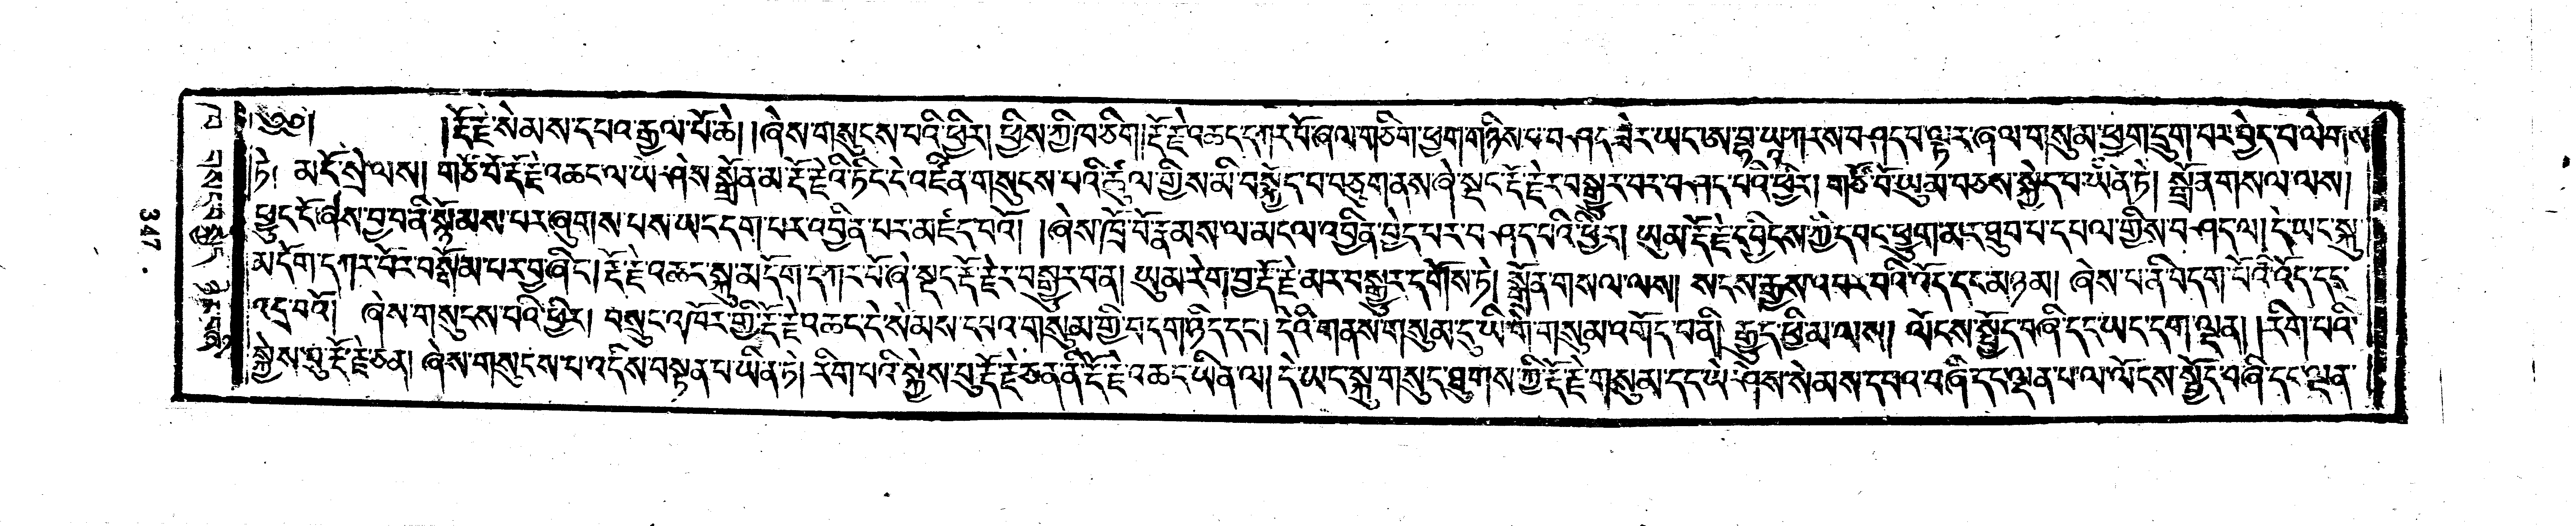༄༅། །རྡོ་རྗེ་སེམས་དཔའ་རྒྱལ་པོ་ཆེ། །ཞེས་གསུངས་པའི་ཕྱིར། ཕྱིས་ཀྱི་ཁ་ཅིག །རྡོ་རྗེ་འཆང་དཀར་པོ་ཞལ་གཅིག་ཕྱག་གཉིས་བ་བཤད་ཟེར་ཡང་ཨ་བྷ་ཡཱ་ཀ་རས་བཤད་པ་ལྟར་ཞལ་གསུམ་ཕྱག་དྲུག་པར་ཕྱེད་པ་ལེགས་
ཏེ༑ མདོ་སྲེ་ལས། གཙོ་བོ་རྡོ་རྗེ་འཆང་ལ་ཡེ་ཤེས་སྒྲོན་མ་རྡོ་རྗེའི་ཏིང་ངེ་འཛིན་གསུངས་པའི་ཚུལ་གྱིས་མི་བསྐྱོད་པ་བཅུ་གནས་ཞེ་སྡང་རྡོ་རྗེར་བསྒྱུར་བར་བཤད་པའི་ཕྱིར། གཙོ་བོ་ཡུམ་བཅས་སྐྱེད་པ་ཡིན་ཏེ། སྒྲོན་གསལ་ལས།
ཕྱུང་ངོ་ཞེས་བྱ་བ་ནི་སྙོམས་པར་ཞུགས་པས་ཡང་དག་པར་འབྱིན་པར་མཛད་པའོ། །ཞེས་ཁྲོ་བོ་རྣམས་ལ་མངལ་འབྱིན་བྱེད་པར་བཤད་པའི་ཕྱིར། ཡུམ་རྡོ་རྗེ་དབྱིངས་ཀྱི་དབང་ཕྱུག་མར་ཐུབ་པ་དཔལ་གྱིས་བཤད་པ། དེ་ཡང་སྐུ་
མདོག་དཀར་པོར་བསྒོམ་པར་བྱ་ཞིང་། རྡོ་རྗེ་འཆང་སྐུ་མདོག་དཀར་པོ་ཞེ་སྡང་རྡོ་རྗེར་བསྒྱུར་བ་ན། ཡུམ་རེག་བྱ་རྡོ་རྗེ་མར་བསྒྱུར་དགོས་ཏེ། སྒྲོན་གསལ་ལས། སངས་རྒྱས་འབར་བའི་འོད་དང་མཉམ། ཞེས་པ་ནི་བདག་པོའི་འོད་དང་
འདྲ་བའོ། ཞེས་གསུངས་པའི་ཕྱིར། བསྲུང་འཁོར་གྱི་རྡོ་རྗེ་འཆང་དེ་སེམས་དཔའ་གསུམ་གྱི་བདག་ཉིད་དང་། དེའི་གནས་གསུམ་དུ་ཡི་གེ་གསུམ་འགོད་པ་ནི། རྒྱུད་ཕྱི་མ་ལས། ལོངས་སྤྱོད་བཞི་དང་ཡང་དག་ལྡན། །རིག་པའི་
སྐྱེས་བུ་རྡོ་རྗེ་ཅན། ཞེས་གསུངས་པ་འདིས་བསྟན་པ་ཡིན་ཏེ། རིག་པའི་སྐྱེས་བུ་རྡོ་རྗེ་ཅན་ནི་རྡོ་རྗེ་འཆང་ཡིན་ལ། དེ་ཡང་སྐུ་གསུང་ཐུགས་ཀྱི་རྡོ་རྗེ་གསུམ་དང་ཡེ་ཤེས་སེམས་དཔའ་བཞི་དང་ལྡན་པ་ལ་ལོངས་སྤྱོད་བཞི་དང་ལྡན་